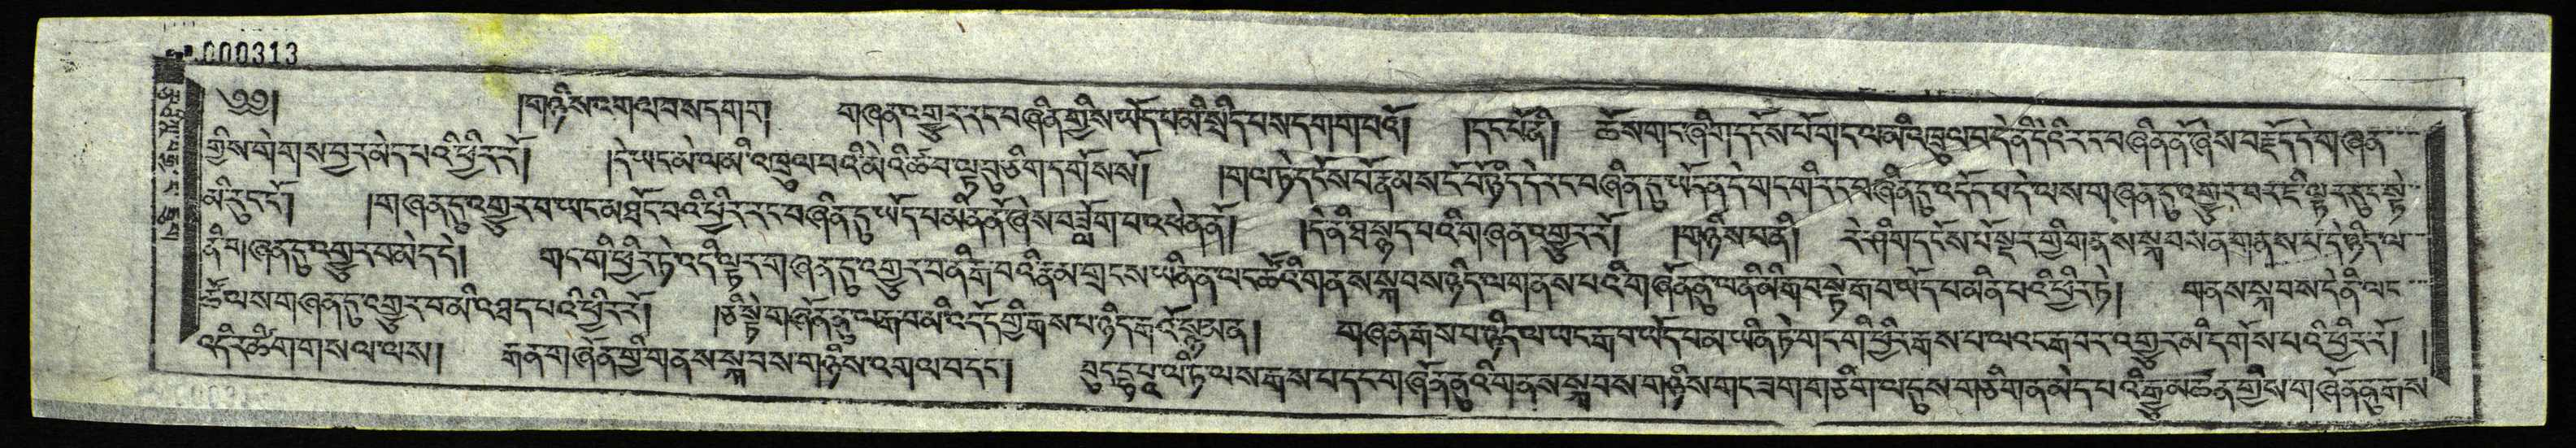༄༅། །གཉིས་འགལ་བས་དགག་གཞན་འགྱུར་རང་བཞིན་གྱིས་ཡོད་པ་མི་སྲིད་པས་དགག་པའོ། །དང་པོ་ནི། ཆོས་གང་ཞིག་དངོས་པོ་གང་ལ་མི་འཁྲུལ་བ་དེ་ནི་དེའི་རང་བཞིན་ནོ་ཞེས་བརྗོད་དེ་གཞན་
གྱིས་གེགས་བྱར་མེད་པའི་ཕྱིར་རོ། །དེ་ཡང་མེ་ལ་མི་འཁྲུལ་བའི་མེའི་ཚ་བ་ལྟ་བུ་ཅིག་དགོས་སོ། །གལ་ཏེ་དངོས་པོ་རྣམས་ངོ་བོ་ཉིད་དེ་རང་བཞིན་དུ་ཡོད་ན་དེ་གང་གི་རང་བཞིན་དུ་འདོད་པ་དེ་ལས་གཞན་དུ་འགྱུར་བར་ཇི་ལྟར་རུང་སྟེ་
མི་རུང་ངོ། །གཞན་དུ་འགྱུར་བ་ཡང་མཐོང་བའི་ཕྱིར་རང་བཞིན་དུ་ཡོད་པ་མིན་ནོ་ཞེས་བཟློག་པ་འཕེན་ནོ། །དེ་ནི་ཐ་སྙད་པའི་གཞན་འགྱུར་རོ། །གཉིས་པ་ནི། རེ་ཤིག་དངོས་པོ་སྔར་གྱི་གནས་སྐབས་ན་གནས་པ་དེ་ཉིད་ལ་
ནི་གཞན་དུ་འགྱུར་བ་མེད་དེ། གང་གི་ཕྱིར་ཏེ་འདི་ལྟར་གཞན་དུ་འགྱུར་བ་ནི་རྒ་བའི་རྣམ་གྲངས་ཡིན་ན་ལང་ཚོའི་གནས་སྐབས་ཉིད་ལ་གནས་པའི་གཞོན་ནུ་ལ་ནི་མི་རྒ་བ་སྟེ་རྒ་བ་ཡོད་པ་མིན་པའི་ཕྱིར་ཏེ། གནས་སྐབས་དེ་ནི་ལང་
ཚོ་ལས་གཞན་དུ་འགྱུར་བ་མི་འཐད་པའི་ཕྱིར་རོ། །ཅི་སྟེ་གཞོན་ནུ་ལ་རྒ་བ་མི་འདོད་གྱི་རྒས་པ་ཉིད་རྒའོ་སྙམ་ན། གཞན་རྒས་པ་ཉིད་ལ་ཡང་རྒ་བ་ཡོད་པ་མ་ཡིན་ཏེ་གང་གི་ཕྱིར་རྒས་པ་ལའང་རྒ་བར་འགྱུར་མི་དགོས་པའི་ཕྱིར་རོ། །
འདིར་ཚིག་གསལ་ལས། རྒན་གཞོན་གྱི་གནས་སྐབས་གཉིས་འགལ་བ་དང་། བུད་དྷ་པཱ་ལི་ཏ་ལས་རྒས་པ་དང་གཞོན་ནུའི་གནས་སྐབས་གཉིས་གང་ཟག་གཅིག་ལ་དུས་གཅིག་ན་མེད་པའི་རྒྱུ་མཚན་གྱིས་གཞོན་ནུ་རྒས་